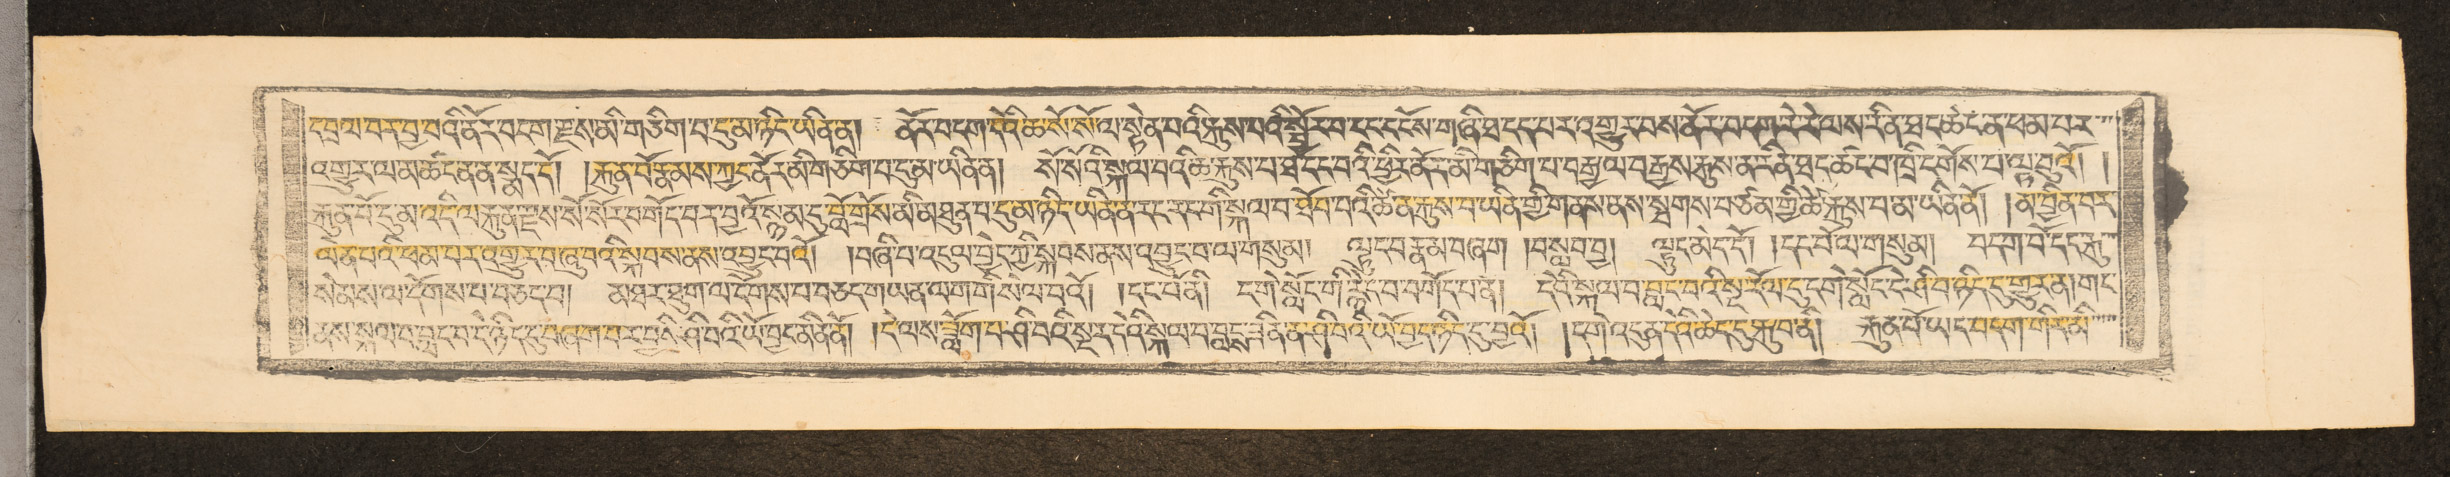དབྲལ་བར་བྱ་བའི་ནོར་བདག་རྫས་མི་གཅིག་པ་དུ་མ་ཉིད་ཡིན་ན། ནོར་བདག་དེའི་ཆ་སོ་སོ་ལ་སྟེན་པའི་རྐུས་པའི་སྦྱོར་བ་དང་དངོས་གཞི་ཐ་དད་པར་འགྱུར་བས་ནོར་བདག་རེ་རེ་ལས་རིན་ཐང་ཚང་ན་ཕམ་པར་
འགྱུར་ལ་མ་ཚང་ན་ན་སྨད་དོ། །རྐུན་པོ་རྣམས་ཀྱང་ནོར་མི་གཅིག་པ་དུ་མ་ཡིན་ན། སོ་སོའི་སྐལ་བའི་ཆ་རྐུས་པ་ཐ་དད་པའི་ཕྱིར་ནོར་མི་གཅིག་པ་བརྒྱ་ལ་བརྒྱས་རྐུས་ན་རིན་ཐང་ཚང་བ་ཁྲི་དགོས་པ་ལྟ་བུའོ། །
རྐུན་པོ་དུ་མ་འདི་ལ་རྐུན་རྫས་སོ་སོར་བགོད་པར་བྱའོ་སྙམ་དུ་བློ་གྲོས་མི་མཐུན་པ་དུ་མ་ཉིད་ཡིན་ན་རང་རང་གི་སྐལ་བ་ཐོབ་པའི་ཚེ་ན་རྐུས་པ་ཡིན་གྱི་གནས་ནས་སྦགས་པ་ཙམ་གྱི་ཚེ་རྐུས་པ་མ་ཡིན་ནོ། །མ་བྱིན་པར་
ལེན་པའི་ཕམ་པར་འགྱུར་བ་ཞུ་བའི་སྐབས་ནས་འབྱུང་བའོ། །བཞི་པ་འདུལ་བྱེད་ཀྱི་སྐབས་ནས་འབྱུང་བ་ལ་གསུམ། ལྟུང་བ་རྣམ་བཞག །བསླབ་བྱ། ལྟུང་མེད་དོ། །དང་པོ་ལ་གསུམ། བདག་པོ་དང་རྐུ་
སེམས་ལ་དོགས་པ་བཅད་པ། མཐར་ཐུག་ལ་དོགས་པ་བཅད་བ། ཡན་ལག་གི་སེལ་བའོ། །དང་པོ་ནི། དགེ་སློང་གི་རྙེད་པ་བགོད་པ་ན། དེའི་སྐལ་བ་བླང་བའི་སྔ་རོལ་དུ་དགེ་སློང་དེ་ཤི་བ་ཉིད་དུ་གྱུར་ན། གང་
ནས་སྐལ་བ་བླང་བ་དེ་ཉིད་དུ་བཞག་པར་བྱའི་ཤི་བའི་ཡོ་བྱད་མིན་ནོ། །དེ་ལས་ཟློག་པ་ཤི་བའི་སྔར་དེའི་སྐལ་བ་བླངས་ཟིན་ན་ཤི་བའི་ཡོ་བྱད་ཉིད་དུ་བྱའོ། །དགེ་འདུན་དེའི་ཆེད་དུ་རྐུ་བ་ནི། རྐུན་པོ་ཡང་བདག་གིར་མི་